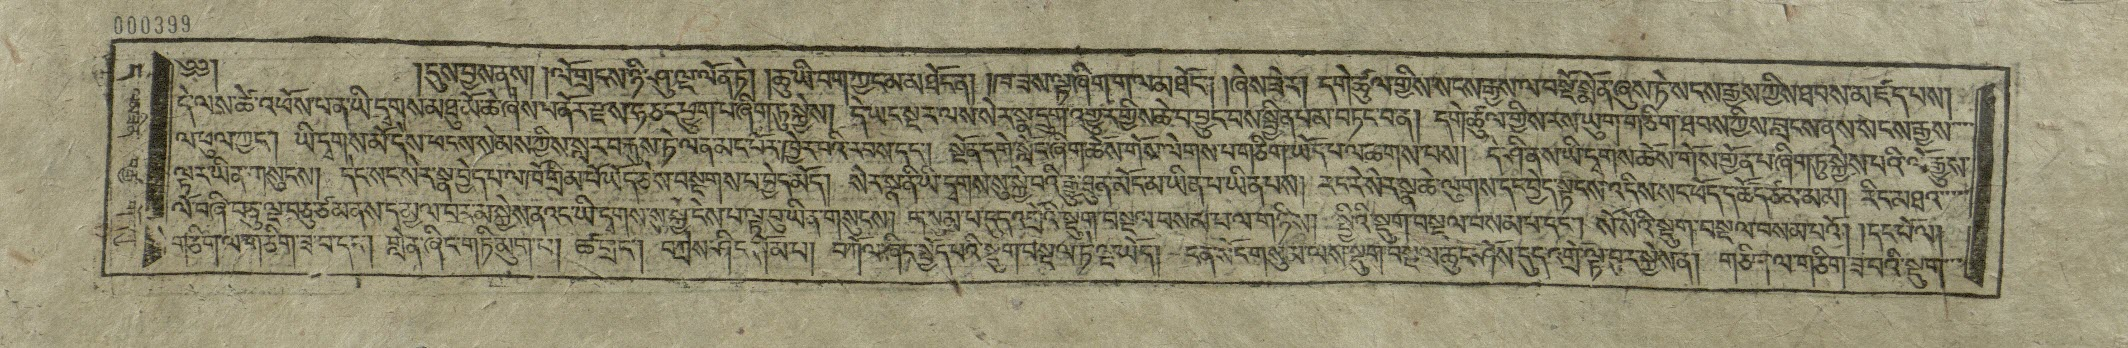༄༅། །དུས་བྱས་ནས། །ལོ་གྲངས་ཉི་ཤུ་ལྔ་ལོན་ཏེ། །ཆུ་ཡི་བག་ཀྱང་མ་མཐོང་ན། །ཁ་ཟས་ལྟ་ཞིག་ག་ལ་མཐོང་། །ཞེས་ཟེར། དགེ་ཚུལ་གྱིས་སངས་རྒྱས་ལ་བསྔོ་སྨོན་ཞུས་ཏེ་སངས་རྒྱས་ཀྱིས་ཐབས་མཛད་པས།
དེ་ལས་ཚེ་འཕོས་པ་ན་ཡི་དྭགས་མཐུ་མོ་ཆེ་ཞེས་པ་ནོར་རྫས་ཧ་ཅང་ཕྱུག་པ་ཞིག་ཏུ་སྐྱེས། དེ་ཡང་སྔར་ལས་སེར་སྣ་དྲུག་འགྱུར་གྱིས་ཆེ་བ་བྱུང་བས་སྦྱིན་པ་མ་བཏང་བ་ན། དགེ་ཚུལ་གྱིས་རས་ཡུག་གཅིག་ཐབས་ཀྱིས་བླངས་ནས་སངས་རྒྱས་
ལ་ཕུལ་ཀྱང་། ཡི་དྭགས་མོ་དེས་ཕངས་སེམས་ཀྱིས་སླར་བརྐུས་ཏེ་ལན་མང་པོར་ཁྱེར་བའི་རབས་དང་། སྔོན་དགེ་སློང་ཞིག་ཆོས་གོས་ལེགས་པ་གཅིག་ཡོད་པ་ལ་ཆགས་པས། དེ་ཤི་ནས་ཡི་དྭགས་ཆོས་གོས་གྱོན་པ་ཞིག་ཏུ་སྐྱེས་པའི་ལོ་རྒྱུས་
ལྟར་ཡིན་གསུངས། དེང་སང་སེར་སྣ་བྱེད་པ་ལ་ཁོ་གྲིམ་པོ་ཡོད་ཅེས་བསྔགས་པ་བྱེད་མོད། སེར་སྣ་ནི་ཡི་དྭགས་སུ་སྐྱེ་བའི་རྒྱུ་ཐུན་མོང་མ་ཡིན་པ་ཡིན་པས། རང་རེ་སེར་སྣ་ཆེ་ལུགས་དང་བྱེད་སྟངས་འདིས་སང་ཕོད་ད་ཚོད་ཙམ་མམ། རིང་མཐའ་
ལོ་བཞི་བཅུ་ལྔ་བཅུ་ཙམ་ནས་དམྱལ་བར་མ་སྐྱེས་ནའང་ཡི་དྭགས་སུ་སྐྱེ་ངེས་པ་ལྟ་བུ་ཡིན་གསུངས། གསུམ་པ་དུད་འགྲོའི་སྡུག་བསྔལ་བསམ་པ་ལ་གཉིས། སྤྱིའི་སྡུག་བསྔལ་བསམ་པ་དང་། སོ་སོའི་སྡུག་བསྔལ་བསམ་པའོ། །དང་པོ་ལ།
གཅིག་ལ་གཅིག་ཟ་བ་དང་། གླེན་ཞིང་གཏི་མུག་པ། ཚ་གྲང་། བཀྲེས་ཤིང་སྐོམ་པ། བཀོལ་ཞིང་སྤྱོད་པའི་སྡུག་བསྔལ་ཏེ་ལྔ་ཡོད། ངན་སོང་གསུམ་ལས་སྡུག་བསྔལ་ཆུང་ཤོས་དུད་འགྲོ་ལྟ་བུར་སྐྱེས་ན། གཅིག་ལ་གཅིག་ཟ་བའི་སྡུག་